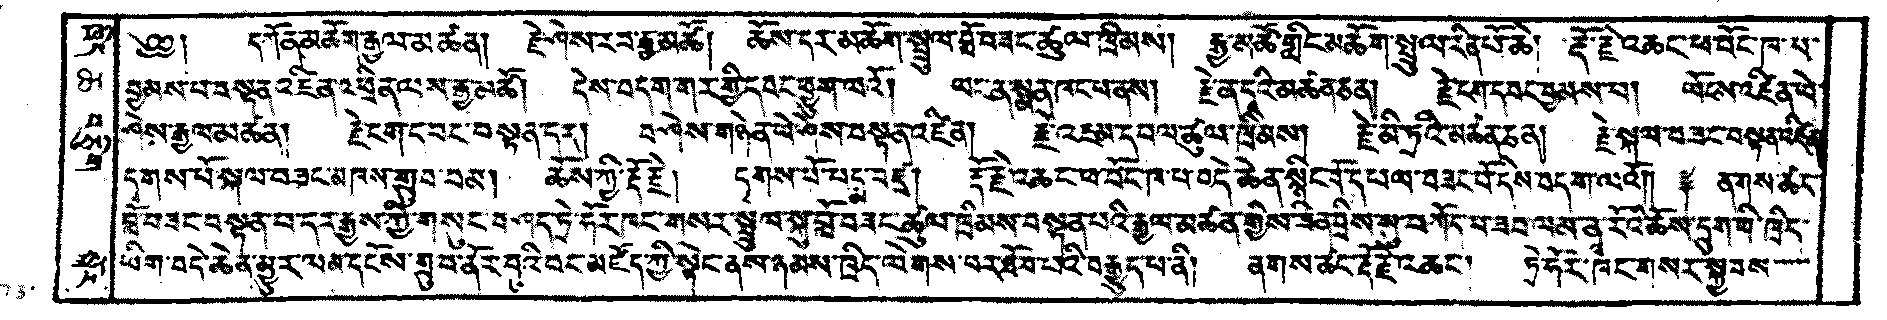༄༅། །དཀོན་མཆོག་རྒྱལ་མཚན། རྗེ་ཤེས་རབ་རྒྱ་མཚོ། ཆོས་དར་མཆོག་སྤྲུལ་བློ་བཟང་ཚུལ་ཁྲིམས། རྒྱ་མཚོ་གླིང་མཆོག་སྤྲུལ་རིན་པོ་ཆེ། རྡོ་རྗེ་འཆང་ཕ་བོང་ཁ་པ་
བྱམས་པ་བསྟན་འཛིན་འཕྲིན་ལས་རྒྱ་མཚོ། དེས་བདག་གར་གྱི་དབང་ཕྱུག་ལའོ། ཡང་ན་སྨན་ཁང་པ་ནས། རྗེ་ན་དཱའི་མཚན་ཅན། རྗེ་ངག་དབང་བྱམས་པ། ཡོངས་འཛིན་ཡེ་
ཤེས་རྒྱལ་མཚན། རྗེ་ངག་དབང་བསྟན་དར། བཤེས་གཉེན་ཡེ་ཤེས་བསྟན་འཛིན། རྗེ་འཇམ་དཔལ་ཚུལ་ཁྲིམས། རྗེ་མི་ཏྲའི་མཚན་ཅན། རྗེ་སྐལ་བཟང་བསྟན་འཛིན་
དྭགས་པོ་སྐལ་བཟང་མཁས་གྲུབ་བམ། ཆོས་ཀྱི་རྡོ་རྗེ། དྭགས་པོ་པདམ་བཛྲ། རྡོ་རྗེ་འཆང་ཕ་བོང་ཁ་པ་བདེ་ཆེན་སྙིང་པོ་དཔལ་བཟང་པོ་དེས་བདག་ལའོ།། ༈ ནགས་ཚང་
བློ་བཟང་བསྟན་པ་དར་རྒྱས་ཀྱི་གསུང་བཤད་ཏྲེ་ཧོར་ཁང་གསར་སྤྲུལ་སྐུ་བློ་བཟང་ཚུལ་ཁྲིམས་བསྟན་པའི་རྒྱལ་མཚན་གྱིས་ཟིན་བྲིས་སུ་བཀོད་པ་ཟབ་ལམ་ནཱ་རོའི་ཆོས་དྲུག་གི་ཁྲིད་
ཡིག་བདེ་ཆེན་མྱུར་ལམ་དངོས་གྲུབ་ནོར་བུའི་བང་མཛོད་ཀྱི་སྟེང་ནས་ཉམས་ཁྲིད་ལེགས་པར་ཐོབ་པའི་བརྒྱུད་པ་ནི། ནགས་ཚང་རྡོ་རྗེ་འཆང་། ཏྲེ་ཧོར་ཁང་གསར་སྐྱབས་